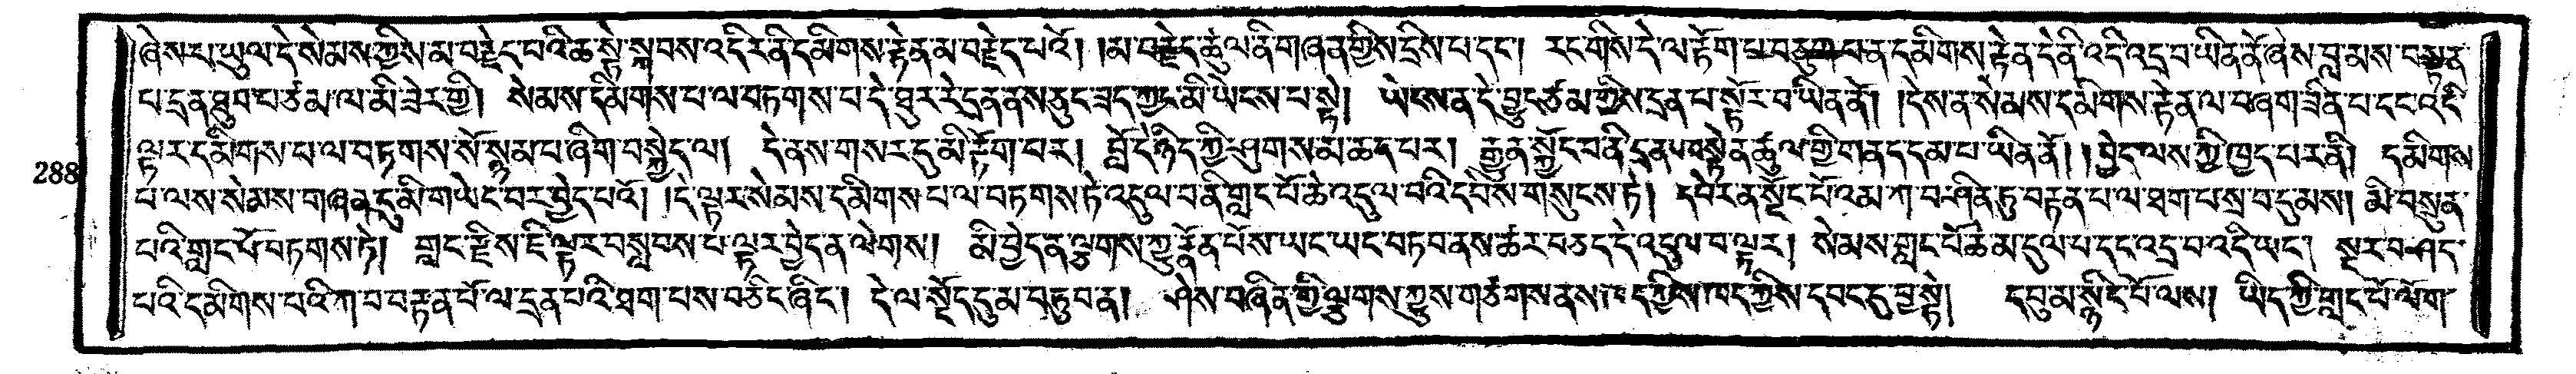ཞེས་པ་ཡུལ་དེ་སེམས་ཀྱིས་མ་བརྗེད་པའི་ཆ་སྟེ་སྐབས་འདིར་ནི་དམིགས་རྟེན་མ་བརྗེད་པའོ། །མ་བརྗེད་ཚུལ་ནི་གཞན་གྱིས་དྲིས་པ་དང་། རང་གིས་དེ་ལ་རྟོག་པ་བཅུག་པ་ན་དམིགས་རྟེན་དེ་ནི་འདི་འདྲ་བ་ཡིན་ནོ་ཞེས་བླ་མས་བསྟན་
པ་དྲན་ཐུབ་པ་ཙམ་ལ་མི་ཟེར་གྱི། སེམས་དམིགས་པ་ལ་བཏགས་པ་དེ་ཐུར་རེ་དྲན་ནས་ཅུང་ཟད་ཀྱང་མི་ཡེངས་པ་སྟེ། ཡེངས་ན་དེ་བྱུང་ཙམ་གྱིས་དྲན་པ་སྟོར་བ་ཡིན་ནོ། །དེས་ན་སེམས་དམིགས་རྟེན་ལ་བཞག་ཟིན་པ་དང་འདི་
ལྟར་དམིགས་པ་ལ་བཏགས་སོ་སྙམ་པ་ཞིག་བསྐྱེད་ལ། དེ་ནས་གསར་དུ་མི་རྟོག་པར། བློ་དེ་ཉིད་ཀྱི་ཤུགས་མ་ཆད་པར། རྒྱུན་སྐྱོང་བ་ནི་དྲན་པ་བསྟེན་ཚུལ་གྱི་གནད་དམ་པ་ཡིན་ནོ། །བྱེད་ལས་ཀྱི་ཁྱད་པར་ནི། དམིགས་
པ་ལས་སེམས་གཞན་དུ་མི་གཡེང་བར་བྱེད་པའོ། །དེ་ལྟར་སེམས་དམིགས་པ་ལ་བཏགས་ཏེ་འདུལ་བ་ནི་གླང་པོ་ཆེ་འདུལ་བའི་དཔེས་གསུངས་ཏེ། དཔེར་ན་སྡོང་པོའམ་ཀ་བ་ཤིན་ཏུ་བརྟན་པ་ལ་ཐག་པ་སྲ་བ་དུ་མས། མི་བསྲུན་
པའི་གླང་པོ་བཏགས་ཏེ། གླང་རྫིས་ཇི་ལྟར་བསླབས་པ་ལྟར་བྱེད་ན་ལེགས། མི་བྱེད་ན་ལྕགས་ཀྱུ་རྣོན་པོས་ཡང་ཡང་བཏབ་ནས་ཚར་བཅད་དེ་འདུལ་བ་ལྟར། སེམས་གླང་པོ་ཆེ་མ་དུལ་པ་དང་འདྲ་བ་འདི་ཡང་། སྔར་བཤད་
པའི་དམིགས་པའི་ཀ་བ་བརྟན་པོ་ལ་དྲན་པའི་ཐག་པས་བཅིང་ཞིང་། དེ་ལ་སྡོད་དུ་མ་བཏུབ་ན། ཤེས་བཞིན་གྱི་ལྕགས་ཀྱུས་གཙགས་ནས་ཁད་ཀྱིས་ཁད་ཀྱིས་དབང་དུ་བྱ་སྟེ། དབུ་མ་སྙིང་པོ་ལས། ཡིད་ཀྱི་གླང་པོ་ལོག་